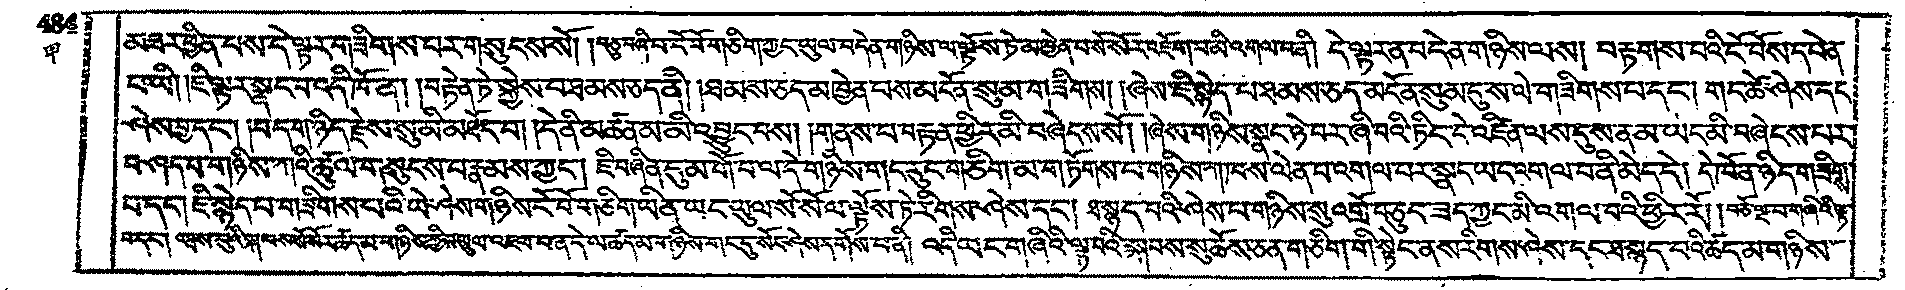མཐར་ཕྱིན་པས་དེ་ལྟར་གཟིགས་པར་གསུངས་སོ། །བཅུ་བཞི་པ་ངོ་བོ་གཅིག་ཀྱང་ཡུལ་བདེན་གཉིས་ལ་ལྟོས་ཏེ་མཁྱེན་པ་སོ་སོར་འཇོག་པ་མི་འགལ་བ་ནི།  དེ་ལྟར་ན་བདེན་གཉིས་ལས། བརྟགས་བའི་ངོ་བོས་དབེན་
པ་ཡི། །ཇི་ལྟར་སྣང་བ་འདི་ཁོ་ན། །བརྟེན་ཏེ་སྐྱེས་བ་ཐམས་ཅད་ནི། །ཐམས་ཅད་མཁྱེན་པས་མངོན་སུམ་གཟིགས། །ཞེས་ཇི་སྙེད་པ་ཐམས་ཅད་མངོན་སུམ་དུ་ས་ལེ་གཟིགས་པ་དང་། གང་ཚེ་ཤེས་དང་
ཤེས་བྱ་དང་། །བདག་ཉིད་རྗེས་སུ་མི་མཐོང་པ། །དེ་ནི་མཚན་མ་མི་འབྱུང་བས། །གནས་པ་བརྟན་ཕྱིར་མི་བཞེངས་སོ། །ཞེས་གཉིས་སྣང་ཉེ་བར་ཞི་བའི་ཏིང་ངེ་འཛིན་ལས་དུས་ནམ་ཡང་མི་བཞེངས་པར་
བཤད་པ་གཉིས་ཀའི་ཚུལ་གསུངས་པ་རྣམས་ཀྱང་། ཇི་བཞིན་དུ་མ་གོ་བ་ལ་དེ་གཉིས་གང་རུང་གཅིག་མ་གཏོགས་པ་གཉིས་ཀ་ཁས་ལེན་པ་འགལ་བར་སྣང་ཡང་འགལ་བ་ནི་མེད་དེ། དེ་ཁོ་ན་ཉིད་གཟིགས་
པ་དང་། ཇི་སྙེད་པ་གཟིགས་པའི་ཡི་ཤེས་གཉིས་ངོ་བོ་གཅིག་ཡིན་ཡང་ཡུལ་སོ་སོ་ལ་ལྟོས་ཏེ་རིགས་ཤེས་དང་། ཐ་སྙད་པའི་ཤེས་པ་གཉིས་སུ་འགྲོ་བ་ཅུང་ཟད་ཀྱང་མི་འགལ་བའི་ཕྱིར་རོ། །བཅོ་ལྔ་བ་གཞིའི་སྟ
བ་དང་། འབྲས་བུའི་སྐབས་སོ་སོར་ཚད་མ་གཉིས་ཀྱིས་ཡུལ་འཇལ་བ་ན་དེ་ལ་ཚད་མ་གཉིས་གང་དུ་སོང་ཤེས་དགོས་པ་ནི།  འདི་ཡང་གཞིའི་ལྟ་བའི་སྐབས་སུ་ཆོས་ཅན་གཅིག་གི་སྟེང་ནས་རིགས་ཤེས་དང་ཐ་སྙད་པའི་ཚད་མ་གཉིས་